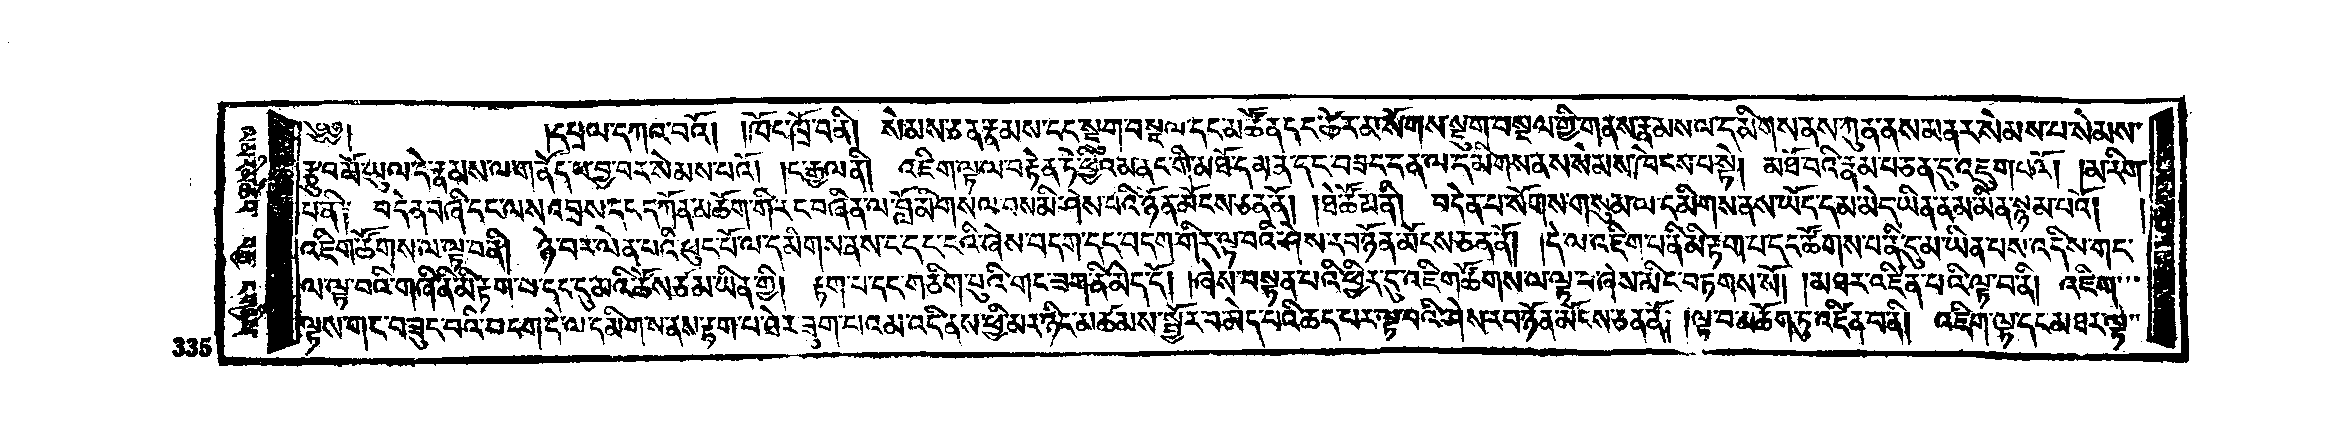༄༅། །དབྲལ་དཀའ་བའོ། །ཁོང་ཁྲོ་བ་ནི། སེམས་ཅན་རྣམས་དང་སྡུག་བསྔལ་དང་མཚོན་དང་ཚེར་མ་སོགས་སྡུག་བསྔལ་གྱི་གནས་རྣམས་ལ་དམིགས་ནས་ཀུན་ནས་མནར་སེམས་པ་སེམས་
རྩུབ་མོ་ཡུལ་དེ་རྣམས་ལ་གནོད་པ་བྱ་བར་སེམས་པའོ། །ང་རྒྱལ་ནི། འཇིག་ལྟ་ལ་བརྟེན་ཏེ་ཕྱིའམ་ནང་གི་མཐོ་དམན་དང་བཟང་ངན་ལ་དམིགས་ནས་སེམས་ཁེངས་པ་སྟེ། མཐོ་བའི་རྣམ་པ་ཅན་དུ་འཇུག་པའོ། །མ་རིག་
པ་ནི༑ བདེན་བཞི་དང་ལས་འབྲས་དང་དཀོན་མཆོག་གི་རང་བཞིན་ལ་བློ་མི་གསལ་བས་མི་ཤེས་པའི་ཉོན་མོངས་ཅན་ནོ། །ཐེ་ཚོམ་ནི། བདེན་པ་སོགས་གསུམ་ལ་དམིགས་ནས་ཡོད་དམ་མེད་ཡིན་ནམ་མིན་སྙམ་པའོ། །
འཇིག་ཚོགས་ལ་ལྟ་བ་ནི། ཉེ་བར་ལེན་པའི་ཕུང་པོ་ལ་དམིགས་ནས་ང་དང་ངའི་ཞེས་བདག་དང་བདག་གིར་ལྟ་བའི་ཤེས་རབ་ཉོན་མོངས་ཅན་ནོ། །དེ་ལ་འཇིག་པ་ནི་མི་རྟག་པ་དང་ཚོགས་པ་ནི་དུ་མ་ཡིན་པས་འདིས་གང་
ལ་ལྟ་བའི་གཞི་ནི་མི་རྟག་པ་དང་དུ་མའི་ཆོས་ཙམ་ཡིན་གྱི། རྟག་པ་དང་གཅིག་པུའི་གང་ཟག་ནི་མེད་དོ། །ཞེས་བསྟན་པའི་ཕྱིར་དུ་འཇིག་ཚོགས་ལ་ལྟ་བ་ཞེས་མིང་བཏགས་སོ། །མཐར་འཛིན་པའི་ལྟ་བ་ནི། འཇིག་
ལྟས་གང་བཟུང་བའི་བདག་དེ་ལ་དམིགས་ནས་རྟག་པ་ཐེར་ཟུག་པའམ་འདི་ནས་ཕྱི་མར་ཉིང་མཚམས་སྦྱོར་བ་མེད་པའི་ཆད་པར་ལྟ་བའི་ཤེས་རབ་ཉོན་མོངས་ཅན་ནོ། །ལྟ་བ་མཆོག་ཏུ་འཛིན་པ་ནི། འཇིག་ལྟ་དང་མཐར་ལྟ་